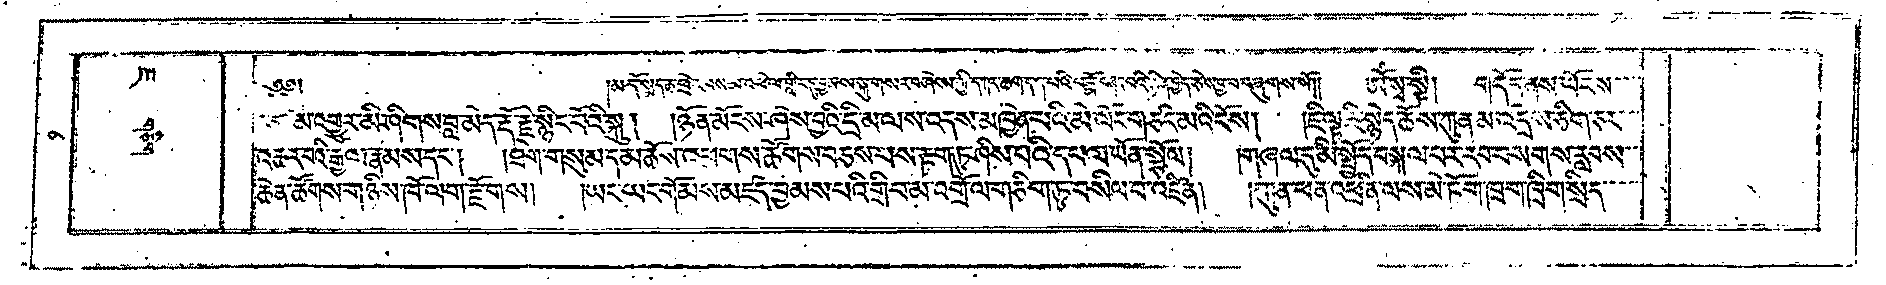༄༅། ། མདོ་སྨད་ཆ་ཕྲེང་བསམ་འཕེལ་གླིང་དུ་བྱམས་སྐུ་གསར་བཞེངས་ཀྱི་དཀར་ཆག་དད་པའི་པདམོ་བཞད་པའི་ཉིན་བྱེད་ཅེས་བྱ་བ་བཞུགས་སོ།།  ཨོཾ་སྭ་སྟི། གདོད་ནས་ཡོངས་
དག་མི་འགྱུར་མི་ཤིགས་བླ་མེད་རྡོ་རྗེ་སྙིང་པོའི་སྐུ། །ཉོན་མོངས་ཤེས་བྱའི་དྲི་མ་ལས་འདས་མཁྱེན་པའི་མེ་ལོང་གཙང་མའི་ངོས། །ཇི་ལྟ་ཇི་སྙེད་ཆོས་ཀུན་མ་འདྲེས་ཅིག་ཅར་
འཆར་བའི་རྒྱལ་རྣམས་དང་། །ཐེག་གསུམ་དམ་ཆོས་འཕགས་ཚོགས་བཅས་པས་རྟག་ཏུ་ཤིས་པའི་དཔལ་ཡོན་སྩོལ། །གཞལ་དུ་མི་སྤྱོད་བསྐལ་པར་རབ་བསགས་རླབས་
ཆེན་ཚོགས་གཉིས་ཁོ་ལག་རྫོགས། །ཡང་ཡང་གོམས་མཛད་བྱམས་པའི་གྲིབ་མ་འགྲོ་ལ་གཅིག་ཏུ་བསིལ་བ་འཛིན། །ཀུན་ཕན་འཕྲིན་ལས་མེ་ཏོག་ཁྲག་ཁྲིག་སྲིད་